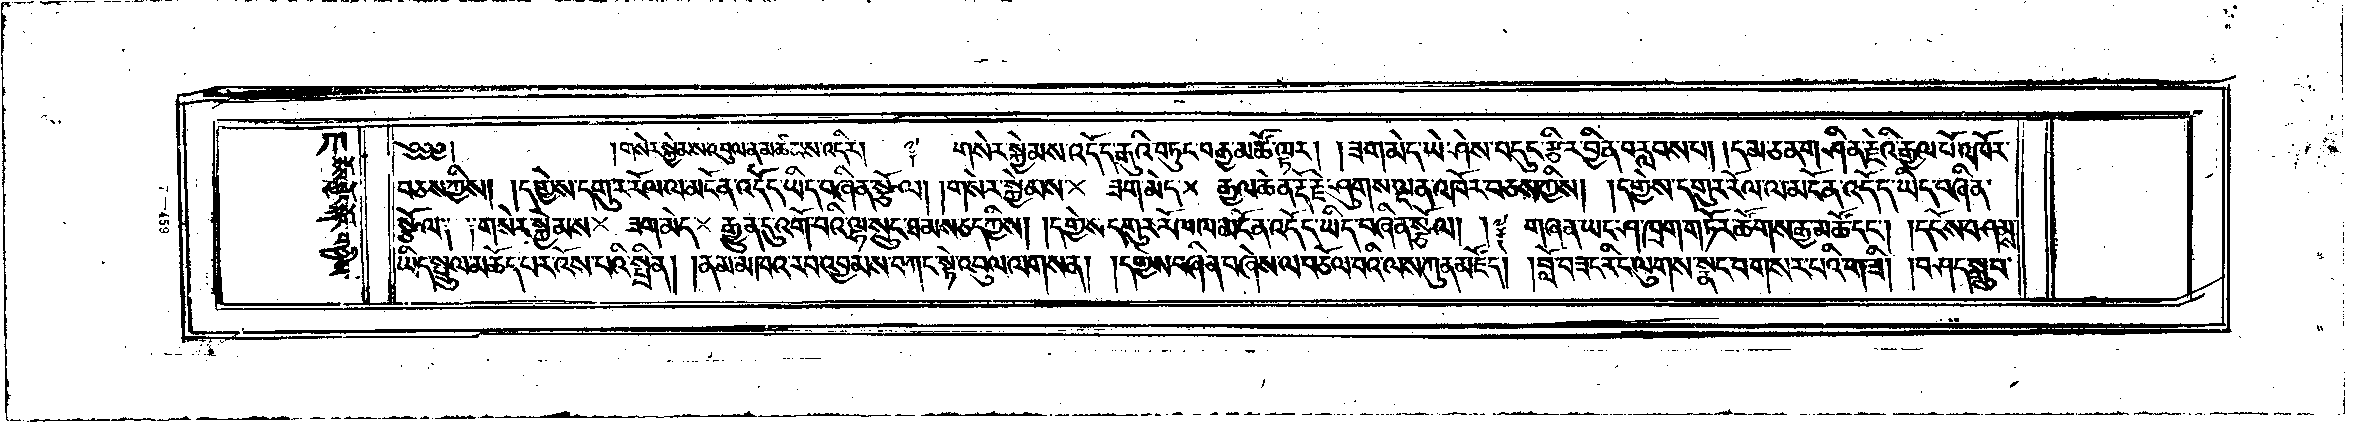༄༅༅། །གསེར་སྐྱེམས་འབུལ་ན་མཚམས་འདིར།  ༈ གསེར་སྐྱེམས་འདོད་རྒུའི་བཏུང་པ་རྒྱ་མཚོ་ལྟར། །ཟག་མེད་ཡེ་ཤེས་བདུད་རྩིར་བྱིན་བརླབས་པ། །དམ་ཅན་གཤིན་རྗེའི་རྒྱལ་པོ་འཁོར་
བཅས་ཀྱིས། །དགྱེས་དགུར་རོལ་ལ་མངོན་འདོད་ཡིད་བཞིན་སྩོལ། །གསེར་སྐྱེམས྾་ཟག་མེད྾་རྒྱལ་ཆེན་རྡོ་རྗེ་ཤུགས་ལྡན་འཁོར་བཅས་ཀྱིས། །དགྱེས་དགུར་རོལ་ལ་མངོན་འདོད་ཡིད་བཞིན་
སྩོ༑ ༑གསེར་སྐྱེམས་྾་ཟག་མེད་྾་རྒྱུན་དུ་འགོ་བའི་ལྷ་སྲུང་ཐམས་ཅད་ཀྱིས། །དགྱེས་དགུར་རོལ་ལ་མངོན་འདོད་ཡིད་བཞིན་སྩོལ། །༈ གཞན་ཡང་ཤ་ཁྲག་གཏོར་ཚོགས་རྒྱ་མཚོ་དང་། །དངོས་བཤམས་
ཡིད་སྤྲུལ་མཆོད་པར་འོས་པའི་སྤྲིན། །ནམ་མཁའ་རབ་འབྱམས་བཀང་སྟེ་འབུལ་ལགས་ན། །དགྱེས་བཞིན་བཞེས་ལ་བཅོལ་བའི་ལས་ཀུན་མཛོད། །བློ་བཟང་རིང་ལུགས་སྣང་བ་གསར་པའི་གཟི། །བཤད་སྒྲུབ་